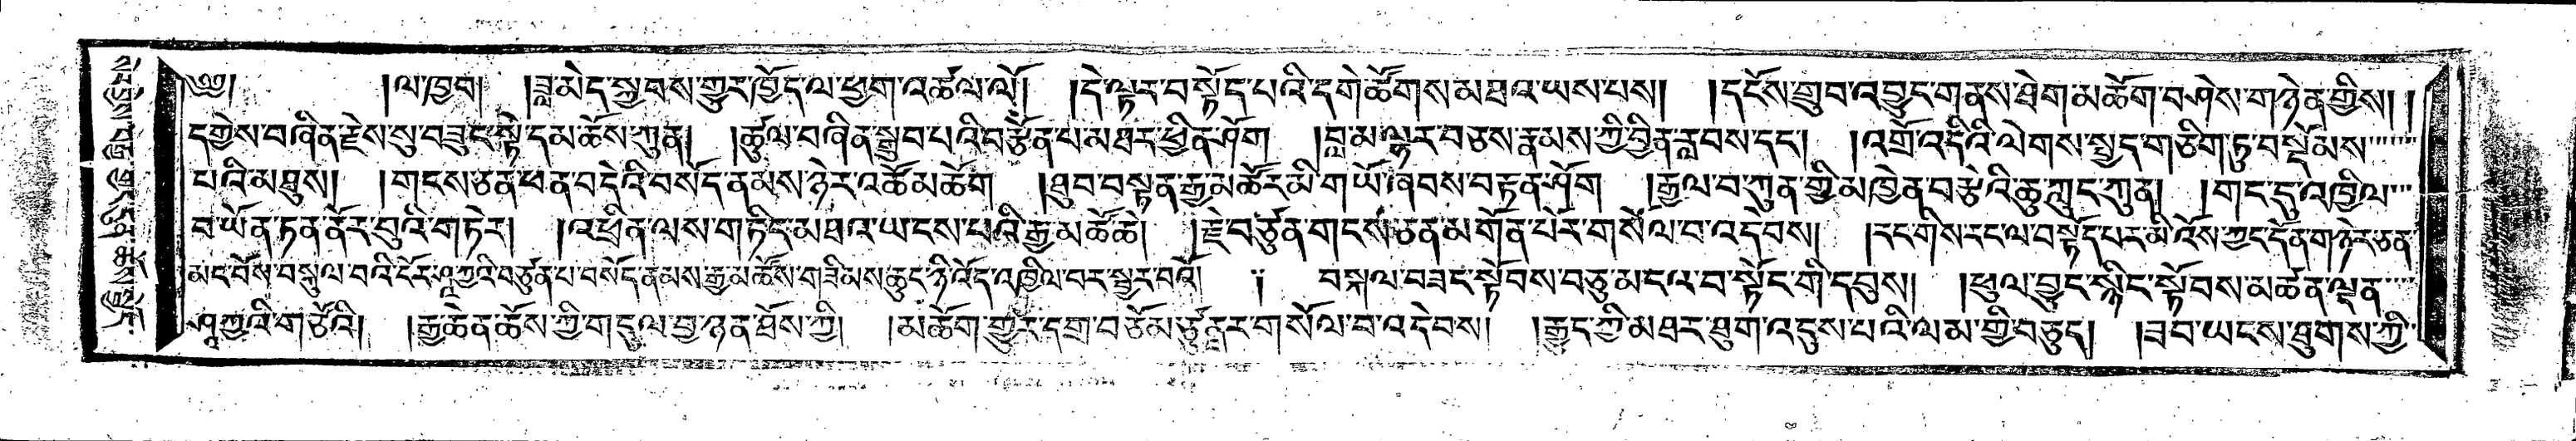༄༅། །ལ་ཁྱབ། །ཟླ་མེད་སྐྱབས་གྱུར་ཁྱོད་ལ་ཕྱག་འཚལ་ལོ། །དེ་ལྟར་བསྟོད་པའི་དགེ་ཚོགས་མཐའ་ཡས་པས། །དངོས་གྲུབ་འབྱུང་གནས་ཐེག་མཆོག་བཤེས་གཉེན་གྱིས། །
དགྱེས་བཞིན་རྗེས་སུ་བཟུང་སྟེ་དམ་ཆོས་ཀུན། །ཚུལ་བཞིན་སྒྲུབ་པའི་བརྩོན་པ་མཐར་ཕྱིན་ཤོག །བླ་མ་ལྷར་བཅས་རྣམས་ཀྱི་བྱིན་རླབས་དང་། །འགྲོ་འདིའི་ལེགས་སྤྱད་གཅིག་ཏུ་བསྡོམས་
པའི་མཐུས། །གངས་ཅན་ཕན་བདེའི་བསོད་ནམས་ཉེར་འཚོ་མཆོག །ཐུབ་བསྟན་རྒྱ་མཚོར་མི་གཡོ་ཞབས་བརྟན་ཤོག །རྒྱལ་བ་ཀུན་གྱི་མཁྱེན་བརྩེའི་ཆུ་ཀླུང་ཀུན། །གང་དུ་འཁྱིལ་
བ་ཡོན་ཏན་ནོར་བུའི་གཏེར། །འཕྲིན་ལས་གཏིང་མཐའ་ཡངས་པའི་རྒྱ་མཚོ་ཆེ། །རྗེ་བཙུན་གངས་ཅན་མགོན་པོར་གསོལ་བ་འདེབས། །རང་གིས་རང་ལ་བསྟོད་པར་མི་འོས་ཀྱང་དོན་གཉེར་ཅན་
མང་པོས་བསྐུལ་བའི་ངོར་ཤཱཀྱའི་བཙུན་པ་བསོད་ནམས་རྒྱ་མཚོས་གཟིམས་ཆུང་ཉི་འོད་འཁྱིལ་བར་སྦྱར་བའོ། ༈ བསྐལ་བཟང་སྟོབས་བཅུ་མངའ་བ་སྟོང་གི་དབུས། །ཕུལ་བྱུང་སྙིང་སྟོབས་མཚན་ལྡན་
ཤཱཀྱའི་གཙོའི། །རྒྱ་ཆེན་ཆོས་ཀྱི་གདུལ་བྱ་ཉན་ཐོས་ཀྱི། །མཆོག་གྱུར་དགྲ་བཅོམ་ཙནྡར་གསོལ་བ་འདེབས། །རྒྱུད་ཀྱི་མཐར་ཐུག་འདུས་པའི་ལམ་གྱི་བཅུད། །ཟབ་ཡངས་ཐུགས་ཀྱི་